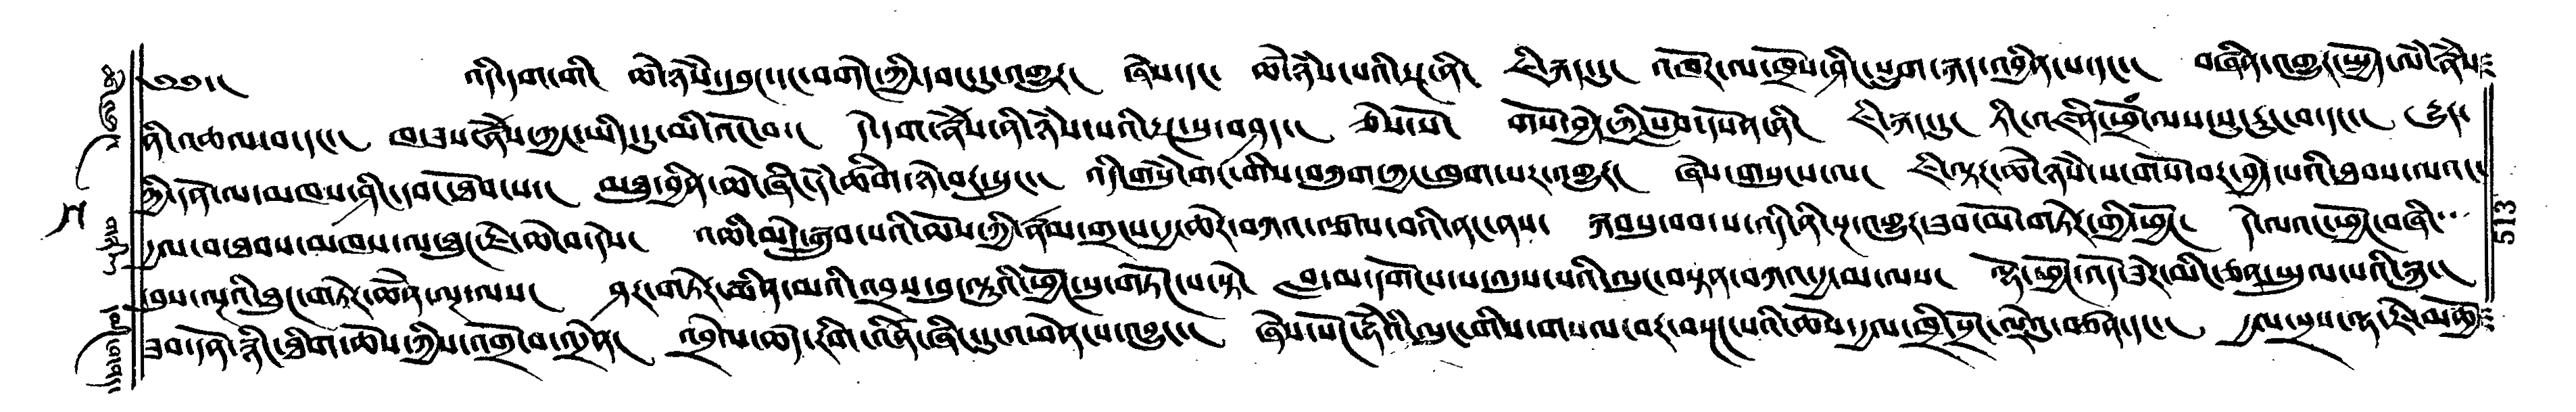འདི་དག་གི ཚེ་ཉམས་དབུགས་དང་བགེགས་ཀྱི་དབང་དུ་འགྱུར། ཞེས་དང་། །ཚེ་ཉམས་པའི་རྟགས་ནི། ཇི་སྐད་དུ། འཁོར་ལ་ཁྲོ་ཤིང་སྡུག་སྐད་འབྱིན་པ་དང་། །བཞིན་འགྱུར་སྤྱོད་ལམ་རྣམས་
ནི་འཆལ་བ་དང་། ཁ་ཟས་རྣམས་ཀྱང་ཡིད་དུ་མི་འོང་བ། །དེ་དག་རྣམས་ནི་ཉམས་པའི་རྟགས་སུ་བཤད། །ཅེས་སོ། གསོ་བྱེད་ཀྱི་སློབ་དཔོན་ནི། ཇི་སྐད་དུ། ཏིང་འཛིན་ཕྲ་མོ་ལས་སུ་རུང་བ་དང་། །རྒྱུད་
ཀྱི་དོན་ལ་མཁས་ཤིང་དབང་ཐོབ་པ། །མཐུ་བྱིན་ཆེ་ཞིང་དམ་ཚིག་ཉེ་བར་སྲུང་། །འདི་གསུམ་གང་གིས་བཀུག་ཀྱང་ཁུག་པར་འགྱུར། ཞེས་གསུངས་ལ། ཇི་ལྟར་ཚེ་ཉམས་པ་གསོ་བར་བྱེད་པའི་ཐབས་ལའང་། 
རྒྱལ་བ་ཐབས་མཁས་ལ་ཐུགས་རྗེ་ཆེ་བ་དེས། འཆི་མེད་སྒྲུབ་པའི་ཆོས་ཀྱི་རྣམ་གྲངས་རྒྱ་ཆེར་བཀའ་བསྩལ་བའི་ནང་ནས། སྐབས་སུ་བབ་པ་འདི་ནི་སྔ་འགྱུར་ཟབ་མོ་གཏེར་གྱི་ཕྱོགས། དེ་ལའང་ཕྱོགས་བཞི་
དབུས་ལྔའི་ཐུགས་གཏེར་ཆཻན་མོ་ལྔ་ལས། ཤར་གཏེར་སྨིན་པ་འབྲས་བུ་ལྟ་བུའི་ཕྱོགས་སུ་གཏོགས་པ་སྟེ། བླ་མ་དགོངས་པ་འདུས་པའི་ལུང་བསྟན་བཀའ་རྒྱ་མ་ལས། ལྷོ་ཕྱོགས་འོད་ཟེར་མིང་ཅན་སྤྲུལ་པའི་སྐུ། །
ཟབ་དོན་སྙིང་ཐིག་ཆོས་ཀྱི་འགྲོ་བ་འདྲེན། །འབྲེལ་ཚད་རིག་འཛིན་ཞིང་དུ་འཕེན་པ་འབྱུང་། ཞེས་སོགས་རྡོ་རྗེའི་ལུང་གིས་གསལ་བར་བསྔགས་པའི་ཆོས་རྒྱལ་ཁྲི་སྲོང་ལྡེའུ་བཙན་དང་། རྒྱལ་སྲས་ལྷ་རྗེ་མཆོག